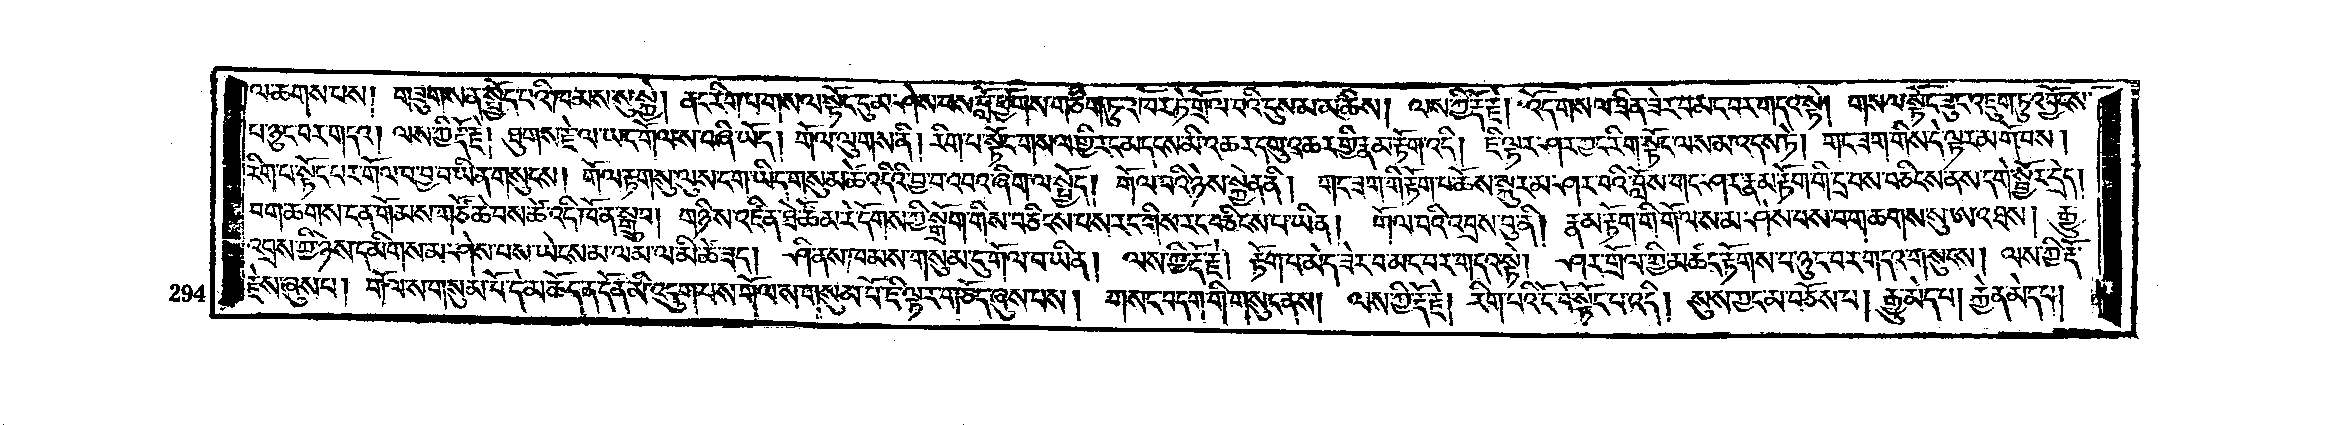ལ་ཆགས་པས། གཟུགས་ན་སྤྱོད་པའི་ཁམས་སུ་སྐྱེ། ནང་རིག་པ་གསལ་སྟོང་དུ་མ་ཤེས་པས་བློ་ཕྱོགས་གཅིག་ཏུ་འཁོར་ཏེ་གྲོལ་བའི་དུས་མ་མཆིས། ལས་ཀྱི་རྡོ་རྗེ། འོད་གསལ་ཟིན་ཟེར་བ་མང་བར་གདའ་སྟེ། གསལ་སྟོང་ཟུང་འཇུག་ཏུ་འབྱོངས་
པ་ཉུང་བར་གདའ། ལས་ཀྱི་རྡོ་རྗེ། ཐུགས་རྗེ་ལ་ཡང་གོལ་ས་བཞི་ཡོད། གོལ་ལུགས་ནི། རིག་པ་སྟོང་གསལ་གྱི་རང་མདངས་མི་འཆར་དགུ་འཆར་གྱི་རྣམ་རྟོག་འདི། ཇི་ལྟར་ཤར་ཀྱང་རིག་སྟོང་ལས་མ་འདས་ཏེ། གང་ཟག་གིས་དེ་ལྟར་མ་གོ་བས།
རིག་པ་སྟོང་པར་གོལ་བ་བྱ་བ་ཡིན་གསུངས། གོལ་རྟགས་སུ་ལུས་ངག་ཡིད་གསུམ་ཚེ་འདིའི་བྱ་བ་འབའ་ཞིག་ལ་སྤྱོད། གོལ་བའི་ཉེས་སྐྱེན་ནི། གང་ཟག་གི་རྟོག་པ་ཆོས་སྐུར་མ་ཤར་བའི་བློས་གང་ཤར་རྣམ་རྟོག་གི་དྲ་བས་བཅིངས་ནས་དགེ་སྦྱོར་དྲེད། བག་ཆགས་ངན་གོམས་གཙོ་ཆེ་བས་ཚེ་འདི་ཁོ་ན་སྒྲུབ། གཉིས་འཛིན་ཐེ་ཚོམ་རེ་དོགས་ཀྱི་སྒྲོག་གིས་བཅིངས་པས་རང་གིས་རང་བཅིངས་པ་ཡིན། གོལ་བའི་འབྲས་བུ་ནི། རྣམ་རྟོག་གི་གོལ་ས་མ་ཤེས་པས་བག་ཆགས་སུ་ཨ་འཐས། རྒྱུ་
འབྲས་ཀྱི་ཉེས་དམིགས་མ་ཤེས་པས་ཡེངས་མ་ལམ་ལ་མི་ཚེ་ཟད། ཤི་ནས་ཁམས་གསུམ་དུ་གོལ་བ་ཡིན། ལས་ཀྱི་རྡོ་རྗེ། རྟོག་པ་མེད་ཟེར་བ་མང་བར་གདའ་སྟེ། ཤར་གྲོལ་གྱི་མཚད་རྟོགས་པ་ཉུང་བར་གདའ་གསུངས། ལས་ཀྱི་རྡོ་
རྗེས་ཞུས་པ། གོལ་ས་གསུམ་པོ་དེ་མཆོད་ན་དོན་མི་འདུག་པས་གོལ་ས་གསུམ་པོ་ཇི་ལྟར་གཅོད་ཞུས་པས། གསང་བདག་གི་གསུང་ནས། ལས་ཀྱི་རྡོ་རྗེ། རིག་པའི་ངོ་བོ་སྟོང་པ་འདི། སུས་ཀྱང་མ་བཅོས་པ། རྒྱུ་མེད་པ། རྐྱེན་མེད་པ། །